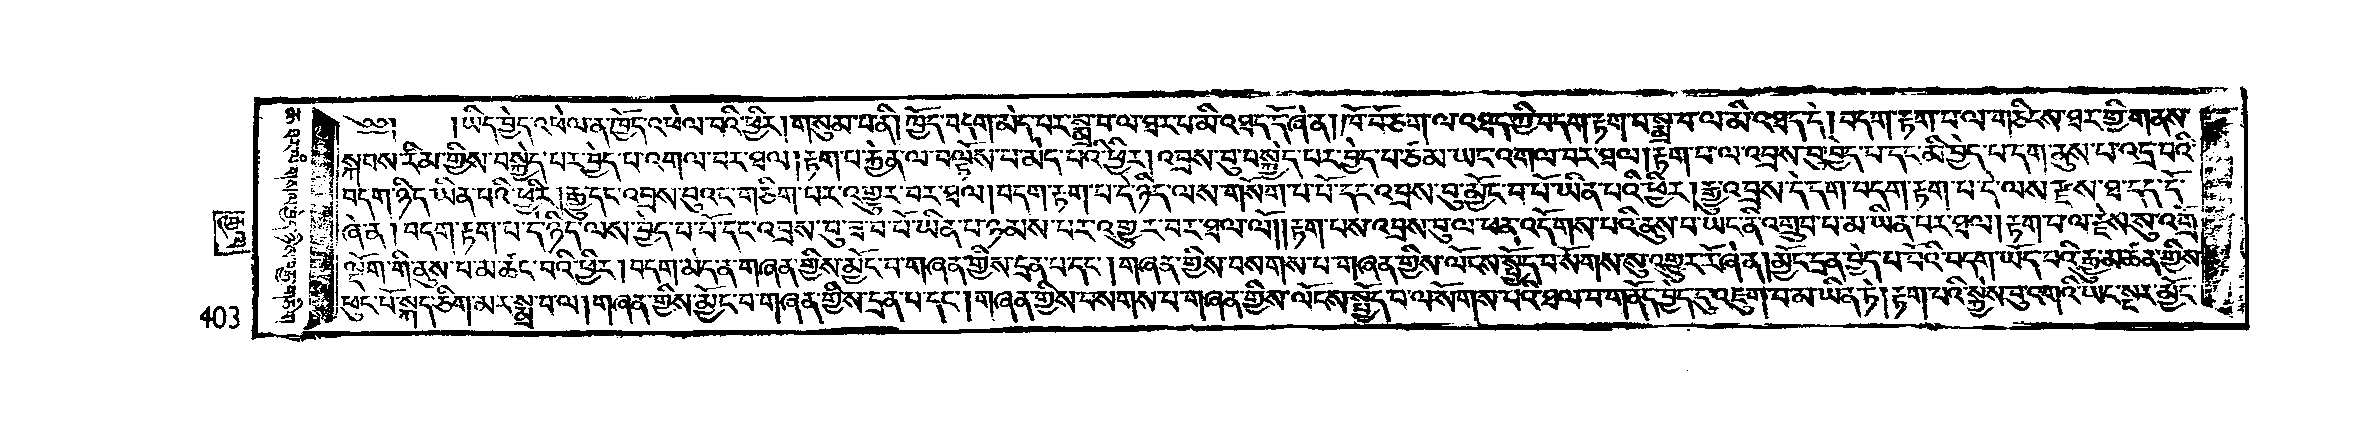༄༅། །ཡིད་བྱེད་འཕེལ་ན་ཁྱོད་འཕེལ་བའི་ཕྱིར། གསུམ་པ་ནི། ཁྱོད་བདག་མེད་པར་སྨྲ་བ་ལ་ཐར་པ་མི་འཐད་དོ་ཞེ་ན། ཁོ་བོ་ཅག་ལ་འཐད་ཀྱི་བདག་རྟག་པ་སྨྲ་བ་ལ་མི་འཐད་དེ། བདག་རྟག་པ་ལ་གཅིངས་ཐར་གྱི་གནས་
སྐབས་རིམ་གྱིས་བསྐྱེད་པར་བྱེད་པ་འགལ་བར་ཐལ། རྟག་པ་རྐྱེན་ལ་བལྟོས་པ་མེད་པའི་ཕྱིར། འབྲས་བུ་བསྐྱེད་པར་བྱེད་པ་ཙམ་ཡང་འགལ་བར་ཐལ། རྟག་པ་ལ་འབྲས་བུ་བྱེད་པ་དང་མི་བྱེད་པ་དག་ནུས་པ་འདྲ་བའི་
བདག་ཉིད་ཡིན་པའི་ཕྱིར། རྒྱུ་དང་འབྲས་བུའང་གཅིག་པར་འགྱུར་བར་ཐལ། བདག་རྟག་པ་དེ་ཉིད་ལས་གསོག་པ་པོ་དང་འབྲས་བུ་མྱོང་བ་པོ་ཡིན་པའི་ཕྱིར། རྒྱུ་འབྲས་དེ་དག་བདག་རྟག་པ་དེ་ལས་རྫས་ཐ་དད་དོ་
ཞེ་ན། བདག་རྟག་པ་དེ་ཉིད་ལས་བྱེད་པ་པོ་དང་འབྲས་བུ་ཟ་བ་པོ་ཡིན་པ་ཉམས་པར་འགྱུར་བར་ཐལ་ལོ། །རྟག་པས་འབྲས་བུ་ལ་ཕན་འདོགས་པའི་ནུས་པ་ཡང་ནི་འགྲུབ་པ་མ་ཡིན་པར་ཐལ། རྟག་པ་ལ་རྗེས་སུ་འགྲོ་
ལྡོག་གི་ནུས་པ་མ་ཚང་བའི་ཕྱིར། བདག་མེད་ན་གཞན་གྱིས་མྱོང་བ་གཞན་གྱིས་དྲན་པ་དང་། གཞན་གྱིས་བསགས་པ་གཞན་གྱིས་ལོངས་སྤྱོད་པ་སོགས་སུ་འགྱུར་རོ་ཞེ་ན། མྱོང་དྲན་བྱེད་པ་པོའི་བདག་ཡོད་པའི་རྒྱུ་མཚན་གྱིས་
ཕུང་པོ་སྐད་ཅིག་མར་སྨྲ་བ་ལ། གཞན་གྱིས་མྱོང་བ་གཞན་གྱིས་དྲན་པ་དང་། གཞན་གྱིས་བསགས་པ་གཞན་གྱིས་ལོངས་སྤྱོད་པ་ལ་སོགས་པའི་ཐལ་བ་གནོད་བྱེད་དུ་འཇུག་པ་མ་ཡིན་ཏེ། རྟག་པའི་སྐྱེས་བུ་འགའི་ཡང་སྔར་མྱོང་